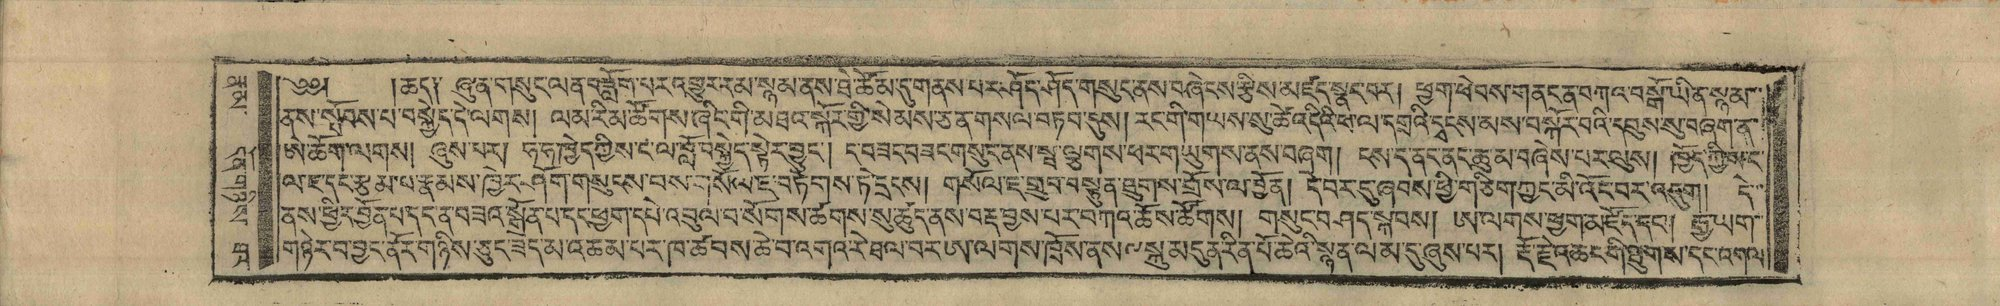༄༅། །ཆད༑ ཞུ་ན་གསུང་ལན་བཟློག་པར་འགྱུར་རམ་སྙམ་ནས་ཐེ་ཚོམ་དུ་གནས་པར་ཤོད་ཤོད་གསུང་ནས་བཞེངས་རྩིས་མཛད་སྣང་བར། ཕྱག་ཕེབས་གནང་ན་བཀའ་བསྒོ་ཡིན་སྙམ་
ནས་སྤོབས་པ་བསྐྱེད་དེ་ལགས། ལམ་རིམ་ཚོགས་ཞིང་གི་མཐའ་སྐོར་གྱི་སེམས་ཅན་གསལ་བཏབ་དུས། རང་གི་གཡས་སུ་ཚེ་འདིའི་ཕ་ལ་དགྲའི་དྭངས་མས་བསྐོར་བའི་དབུས་སུ་བཞག་ན་
ཨེ་ཆོག་ལགས། ཞུས་པར། ཧ་ཧ་ཁྱེད་ཀྱིས་ང་ལ་བློ་བསྐྱེད་སྟེར་བྱུང་། ང་བཟང་བཟང་གསུང་ནས་སྦ་ལྕགས་ཕར་གཡུགས་ནས་བཞག །ངས་ད་ནང་ནང་ཆུ་མ་བཞེས་པར་ལུས། ཁྱོད་ཀྱིས་ང་
ལ་ཇ་དང་རྩམ་པ་རྣམས་ཁྱེར་ཤོག་གསུངས་བས་གསོལ་ཇ་བཏེགས་ཏེ་དྲངས། གསོལ་ཇ་གྲུབ་བསྟུན་ཐུགས་གྲོས་ལ་བྱོན། དེ་བར་དུ་ཞབས་ཕྱི་གཅིག་ཀྱང་མི་འོང་བར་འདུག །དེ་
ནས་ཕྱིར་བྱོན་པ་དང་ན་བཟའ་སྒྲོན་པ་དང་ཕྱག་དཔེ་འབུལ་བ་སོགས་ཚགས་སུ་ཚུད་ནས་བརྡ་བྱས་པར་བཀའ་ཆོས་ཚོགས། གསུང་བཤད་སྐབས། ཨ་ལགས་ཕྱག་མཛོད་དང་། རྒྱ་ཡག་
གཉེར་བ་བྱང་ནོར་གཉིས་ཅུང་ཟད་མ་འཆམ་པར་ཁ་ཚབས་ཆེ་བ་འགའ་རེ་ཐལ་བར་ཨ་ལགས་ཁྲོས་ནས་༧་སྐུ་མདུན་རིན་པོ་ཆེའི་སྙན་ལམ་དུ་ཞུས་པར། རྡོ་རྗེ་འཆང་གི་ཐུགས་དང་འགལ་